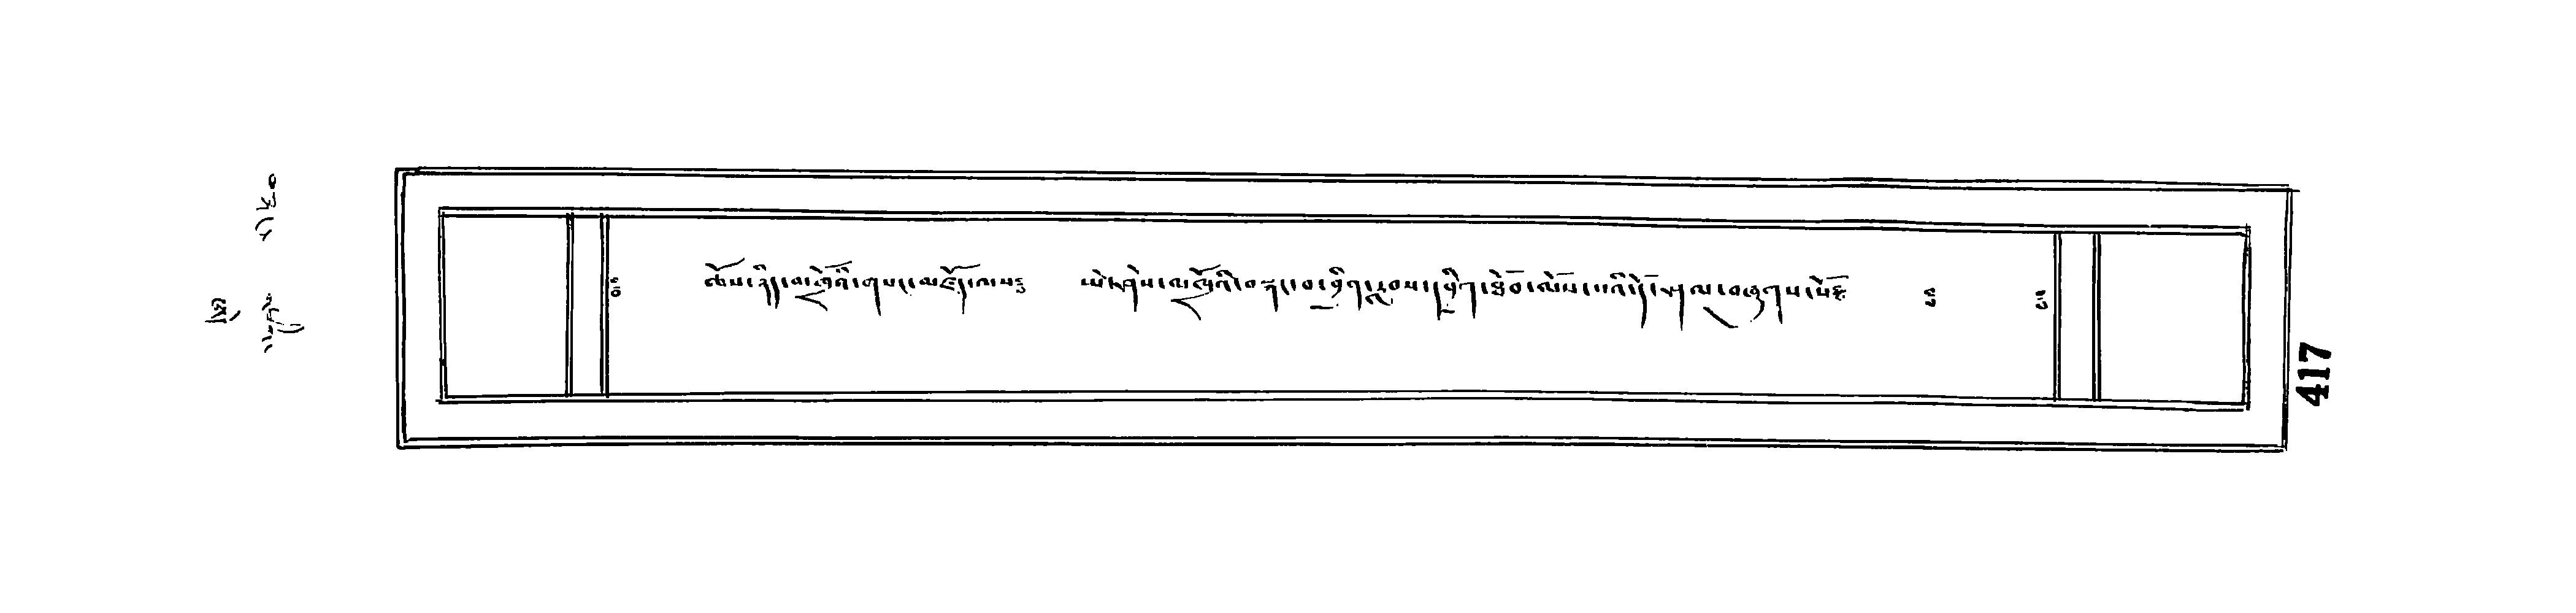ཆོས་ཉིད་མཁའ་འགྲོའི་གསང་མཛོད་ལས༔ ཡེ་ཤེས་མཁའ་འགྲོའི་བསྐང་བ་བྱིན་རླབས་དབྱིག་ཐོབ་མོས་པའི་དོ་ཤལ་བཞུགས་སོ༔